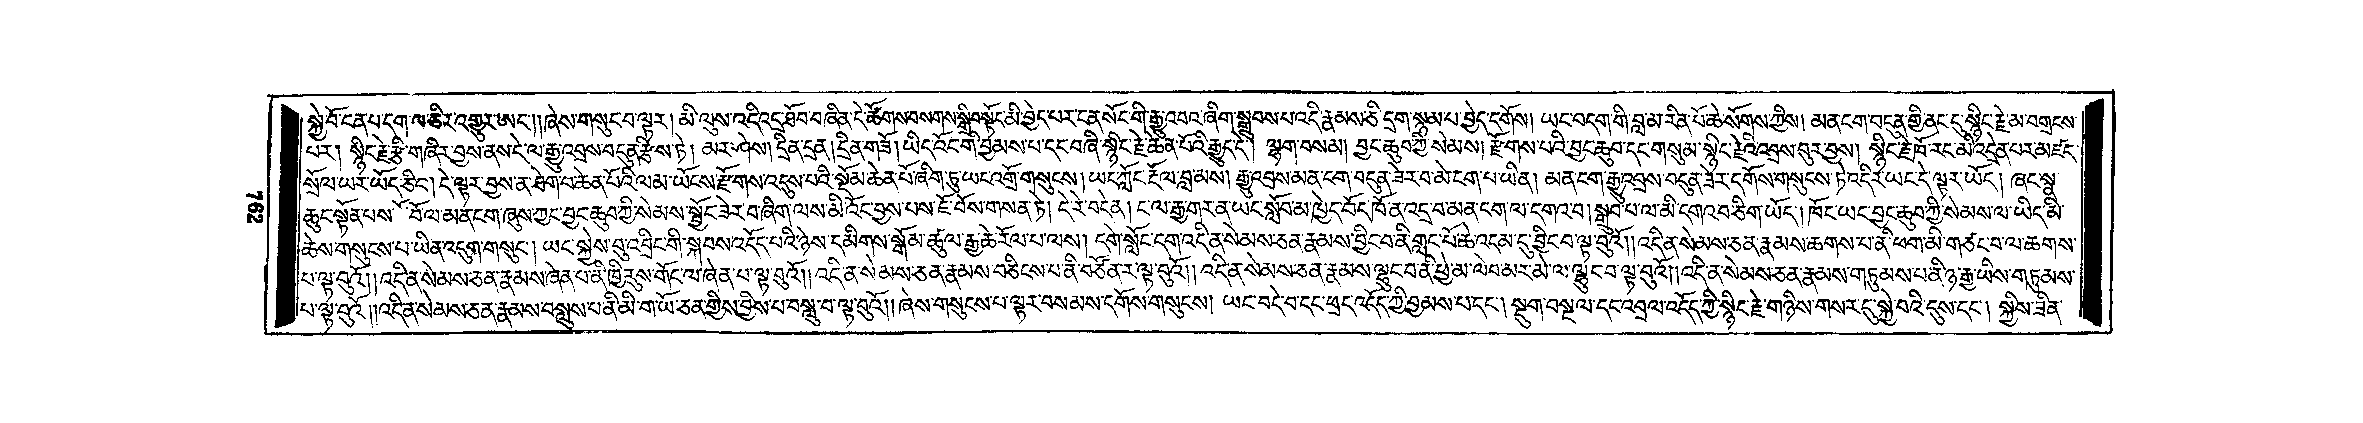སྐྱེ་བོ་ངན་པ་དག་ལ་ཅིར་འགྱུར་ཨང་། །ཞེས་གསུང་བ་ལྟར། མི་ལུས་འདི་འདྲ་ཐོབ་བཞིན་དེ་ཚོགས་བསགས་སྒྲིབ་སྟོང་མི་བྱེད་པར་ངན་སོང་གི་རྒྱུ་འབའ་ཞིག་སྒྲུབས་པ་འདི་རྣམས་ཅི་དྲག་སྙམ་པ་བྱེད་དགོས། ཡང་བདག་གི་བླ་མ་རིན་པོ་ཆེ་སོགས་ཀྱིས། མན་ངག་བདུན་གྱི་ནང་དུ་སྙིང་རྗེ་མ་བགྲངས་
པར། སྙིང་རྗེ་རྩི་གཞིར་བྱས་ནས་དེ་ལ་རྒྱུ་འབྲས་བདུན་རྩིས་ཏེ། མར་ཤེས། དྲིན་དྲན། དྲིན་གཟོ། ཡིད་འོང་གི་བྱམས་པ་དང་བཞི་སྙིང་རྗེ་ཆེན་པོའི་རྒྱུད་དེ། ལྷག་བསམ། བྱང་ཆུབ་ཀྱི་སེམས། རྫོགས་པའི་བྱང་ཆུབ་དང་གསུམ་སྙིང་རྗེའི་འབྲས་བུར་བྱས། སྙིང་རྗེ་ཁོ་རང་མི་འདྲེན་པར་མཛད་
སྲོལ་ཡར་ཡོད་ཅིང་། དེ་ལྟར་བྱས་ན་ཐེག་པ་ཆེན་པོའི་ལམ་ཡོངས་རྫོགས་འདུས་པའི་སྡོམ་ཆེན་པོ་ཞིག་ཏུ་ཡང་འགྲོ་གསུངས། ཡང་ཀློང་རྡོལ་བླ་མས། རྒྱུ་འབྲས་མན་ངག་བདུན་ཟེར་བ་མེ་ངག་པ་ཡིན། མན་ངག་རྒྱུ་འབྲས་བདུན་ཟེར་དགོས་གསུངས་ཏེ་འདིར་ཡང་དེ་ལྟར་ཡོད། ཞང་སྣ་
ཆུང་སྟོན་པས་ཇོ་བོ་ལ་མན་ངག་ཞུས་ཀྱང་བྱང་ཆུབ་ཀྱི་སེམས་སྦྱོང་ཟེར་བ་ཞིག་ལས་མི་འོང་བྱས་པས་ཇོ་བོས་གསན་ཏེ། དེ་རེ་བདེན། ང་ལ་རྒྱ་གར་ན་ཡང་སློབ་མ་ཁྱེད་བོད་ཁོ་ན་འདྲ་བ་མན་ངག་ལ་དགའ་བ། སྒྲུབ་པ་ལ་མི་དགའ་བ་ཅིག་ཡོད། ཁོང་ཡང་བྱང་ཆུབ་ཀྱི་སེམས་ལ་ཡིད་མི་
ཆེས་གསུངས་པ་ཡིན་འདུག་གསུང་། ཡང་སྐྱེས་བུ་འབྲིང་གི་སྐབས་འདོད་པའི་ཉེས་དམིགས་སྒོམ་ཚུལ་རྒྱ་ཆེ་རོལ་པ་ལས། དགེ་སློང་དག་འདི་ན་སེམས་ཅན་རྣམས་བྱིང་བ་ནི་གླང་པོ་ཆེ་འདམ་དུ་བྱིང་བ་ལྟ་བུའོ། །འདི་ན་སེམས་ཅན་རྣམས་ཆགས་པ་ནི་ཕག་མི་གཙང་བ་ལ་ཆགས་
པ་ལྟ་བུའོ། །འདི་ན་སེམས་ཅན་རྣམས་ཞེན་པ་ནི་ཁྱི་རུས་གོང་ལ་ཞེན་པ་ལྟ་བུའོ། །འདི་ན་སེམས་ཅན་རྣམས་བཅིངས་པ་ནི་བཙོན་ར་ལྟ་བུའོ། །འདི་ན་སེམས་ཅན་རྣམས་ལྷུང་བ་ནི་ཕྱེ་མ་ལེབ་མར་མེ་ལ་ལྷུང་བ་ལྟ་བུའོ། །འདི་ན་སེམས་ཅན་རྣམས་གཏུམས་པ་ནི་ཉ་རྒྱ་ཡིས་གཏུམས་
པ་ལྟ་བུའོ། །འདི་ན་སེམས་ཅན་རྣམས་བསླུས་པ་ནི་མི་གཡོ་ཅན་གྱིས་བྱིས་པ་བསླུ་བ་ལྟ་བུའོ། །ཞེས་གསུངས་པ་ལྟར་བསམས་དགོས་གསུངས། ཡང་བདེ་བ་དང་ཕྲད་འདོད་ཀྱི་བྱམས་པ་དང་། སྡུག་བསྔལ་དང་འབྲལ་འདོད་ཀྱི་སྙིང་རྗེ་གཉིས་གསར་དུ་སྐྱེ་བའི་དུས་དང་། སྐྱིས་ཟིན་